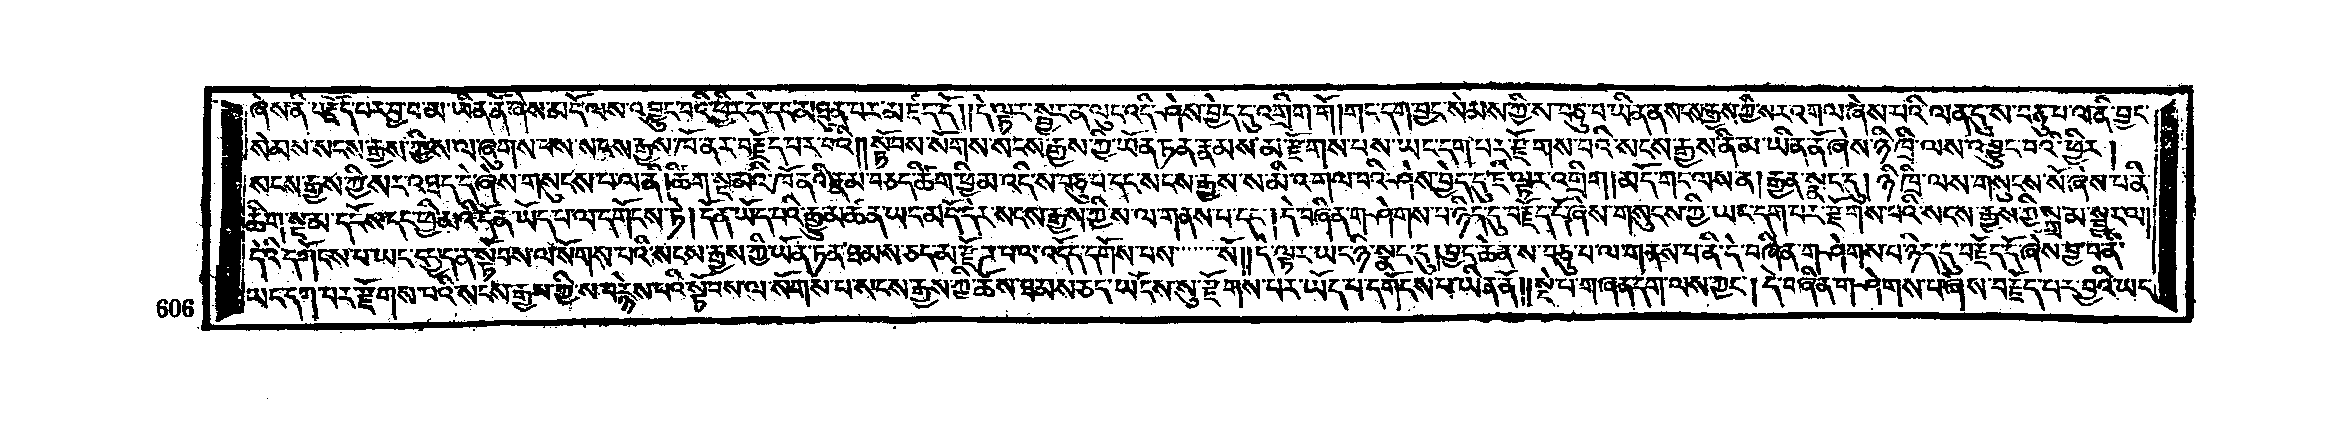ཞེས་ནི་བརྗོད་པར་བྱ་བ་མ་ཡིན་ནོ་ཞེས་མདོ་ལས་འབྱུང་བའི་ཕྱིར་དེ་དང་མཐུན་པར་མཛད་དོ། །དེ་ལྟར་སྦྱར་ན་ལུང་འདི་ཤེས་བྱེད་དུ་འགྲིག་གོ །གང་དག་བྱང་སེམས་ཀྱི་ས་བཅུ་པ་ཡིན་ན་སངས་རྒྱས་ཀྱི་སར་འགལ་ཞེས་པའི་ལན་དུ་ས་བཅུ་པ་ལ་ནི་བྱང་
སེམས་སངས་རྒྱས་ཀྱི་ས་ལ་ཞུགས་པས་སངས་རྒྱས་ཁོ་ནར་བརྗོད་པར་བྱའི། །སྟོབས་སོགས་སངས་རྒྱས་ཀྱི་ཡོན་ཏན་རྣམས་མ་རྫོགས་པས་ཡང་དག་པར་རྫོགས་པའི་སངས་རྒྱས་ནི་མ་ཡིན་ནོ་ཞེས་ཉི་ཁྲི་ལས་འབྱུང་བའི་ཕྱིར།
སངས་རྒྱས་ཀྱི་སར་འཐད་དེ་ཞེས་གསུངས་པ་ལ་ནི། ཚིག་སྔ་མའི་ཁོ་ནའི་རྣམ་བཅད་ཚིག་ཕྱི་མ་འདི་ས་བཅུ་པ་དང་སངས་རྒྱས་ས་མི་འགལ་བའི་ཤེས་བྱེད་དུ་ཇི་ལྟར་འགྲིག །མདོ་གང་ལས་ན། རྒྱན་སྣང་དུ། ཉི་ཁྲི་ལས་གསུངས་སོ་ཞེས་པ་ནི་
ཚིག་སྔ་མ་དངོས་དང་ཕྱི་མའི་དོན་ཡོད་པ་ལ་དགོངས་ཏེ། དོན་ཡོད་པའི་རྒྱུ་མཚན་ཡང་མདོ་དེར་སངས་རྒྱས་ཀྱི་ས་ལ་གནས་པ་དང་། དེ་བཞིན་གཤེགས་པ་ཉིད་དུ་བརྗོད་དོ་ཞེས་གསུངས་ཀྱི་ཡང་དག་པར་རྫོགས་པའི་སངས་རྒྱས་ཀྱི་སྒྲ་མ་སྦྱར་ལ།
དེའི་དགོངས་པ་ཡང་དཔྱད་ན་སྟོབས་ལ་སོགས་པའི་སངས་རྒྱས་ཀྱི་ཡོན་ཏན་ཐམས་ཅད་མ་རྫོགས་པ་ལ་འདོད་དགོས་པས་སོ། །དེ་ལྟར་ཡང་ཉི་སྣང་དུ། བྱང་ཆེན་ས་བཅུ་པ་ལ་གནས་པ་ནི་དེ་བཞིན་གཤེགས་པ་ཉིད་དུ་བརྗོད་དོ་ཞེས་བྱ་བ་ནི་
ཡང་དག་པར་རྫོགས་པའི་སངས་རྒྱས་ཀྱི་ས་བརྙེས་པའི་སྟོབས་ལ་སོགས་པ་སངས་རྒྱས་ཀྱི་ཆོས་ཐམས་ཅད་ཡོངས་སུ་རྫོགས་པར་ཡོད་པ་དགོངས་པ་ཡིན་ནོ། །སྡེ་པ་གཞན་དག་ལས་ཀྱང་། དེ་བཞིན་གཤེགས་པ་ཞེས་བརྗོད་པར་བྱའི་ཡང་